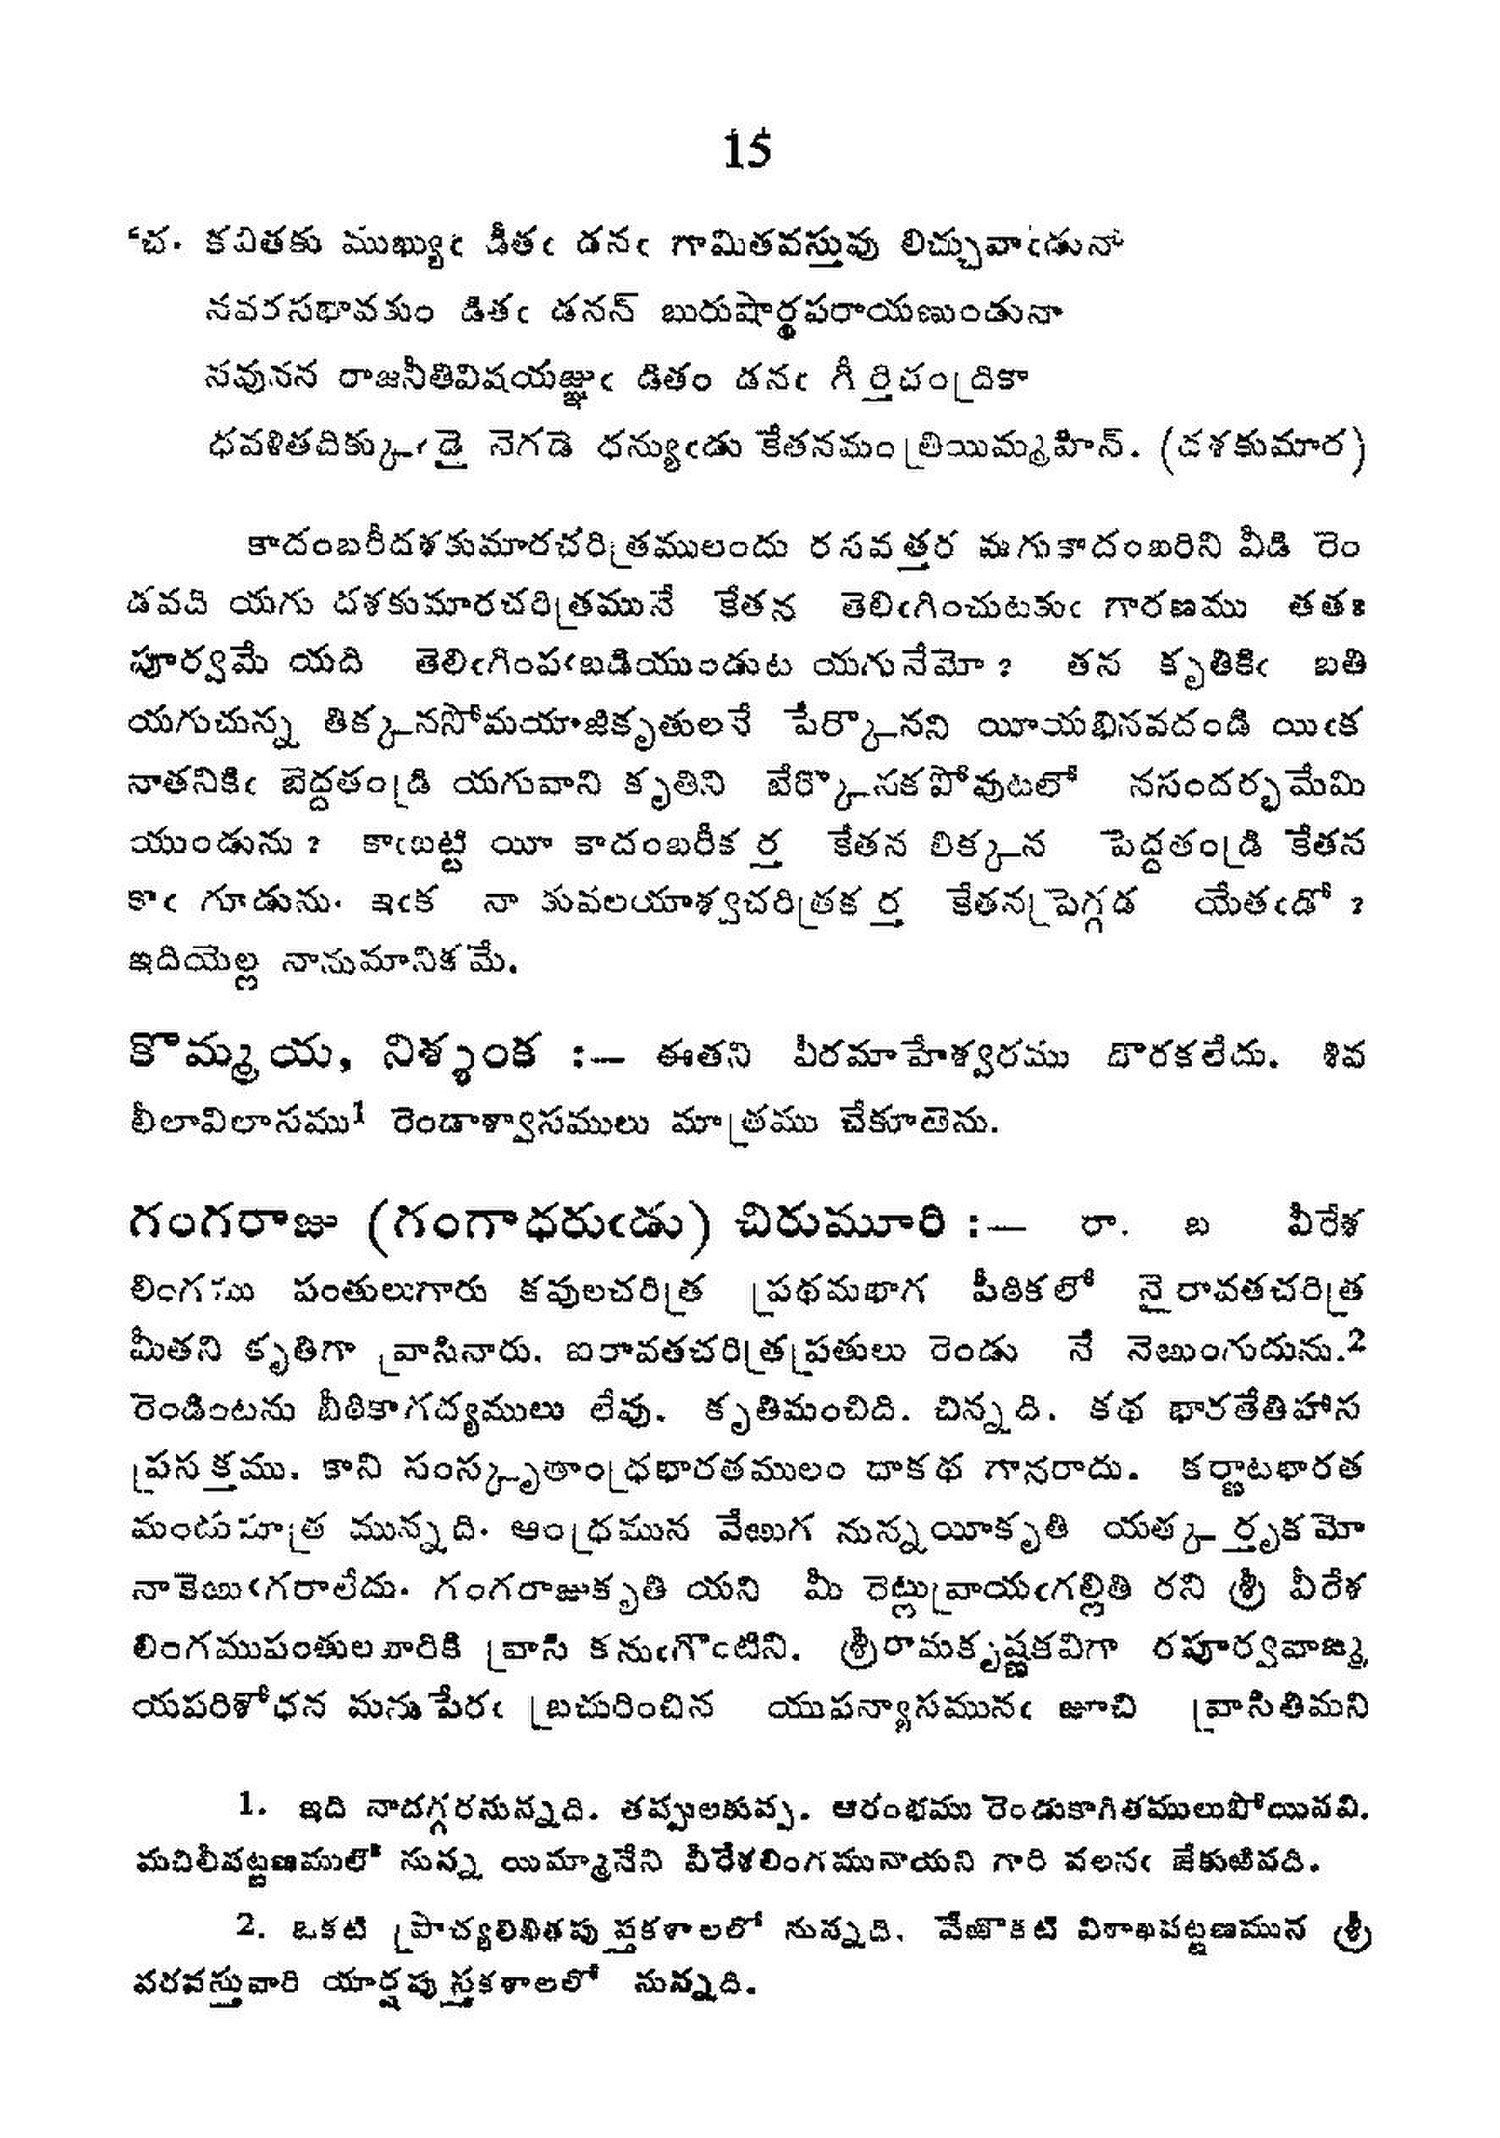“చ. కవితకు ముఖ్యుఁ డీతఁ డనఁ గామితవస్తువు లిచ్చువాఁడు నా
 నవరసభావకుం డితఁ డనన్ బురుషార్థపరాయణుండు నా
 నవునన రాజనీతివిషయజ్ఞుఁ డితం డనఁ గీర్తిచంద్రికా
 ధవళితదిక్కుఁడై నెగడె ధన్యుఁడు కేతనమంత్రి యిమ్మహిన్. (దశకుమార)

కాదంబరీదశకుమారచరిత్రములందు రసవత్తర మగుకాదంబరిని వీడి రెండవది యగు దశకుమారచరిత్రమునే కేతన తెలిఁగించుటకుఁ గారణము తతఃపూర్వమే యది తెలిఁగింపఁబడియుండుట యగునేమో? తన కృతికిఁ బతి యగుచున్న తిక్కనసోమయజికృతులనే పేర్కొనని యీయభినవదండి యిఁక నాతనికిఁ బెదతండ్రి యగువాని కృతిని బేర్కొనక పోవుటలో నసందర్భ మేమి యుండును? కాఁబట్టి యీ కాదంబరీకర్త కేతన తిక్కన పెద్దతండ్రి కేతన కాఁ గూడును. ఇక నా కువలయాశ్వచరిత్రకర్త కేతన ప్రెగ్గడ యేతఁడో? ఇది యెల్ల నానుమానికమే.

కొమ్మయ, నిశ్శంక : -- ఈతని వీరమాహేశ్వరము దొరకలేదు. శివలీలావిలాసము రెండాశ్వాసములు మాత్రము చేకూఱెను.

గంగరాజు (గంగాధరుఁడు) చిరుమూరి :- రా. బ. వీరేశలింగము పంతులుగారు కవులచరిత్ర ప్రథమభాగ పీఠిక లో నైరావతచరిత్ర మీతని కృతిగా వ్రాసినారు. ఐరావతచరిత్ర ప్రతులు రెండు నే నెఱుంగుదును. రెండింటను బీఠికాగద్యములు లేవు. కృతిమంచిది. చిన్నది. కథ భారతేతిహాసప్రసక్తము. కాని సంస్కృతాంధ్రభారతములం దాకథ గానరాదు. కర్ణాటభారతమందు మాత్ర మున్నది. ఆంధ్రమున వేఱుగ నున్నయీకృతి యత్కర్తృకమో నా కెఱుఁగరాలేదు. గంగరాజుకృతి యని మీ రెట్లు వ్రాయఁగల్లితి రని శ్రీ వీరేశలింగముపంతుల వారికి వ్రాసి కనుఁగొంటిని. శ్రీరామకృష్ణకవిగా రపూర్వవాఙ్మయపరిశోధన మను పేరఁ బ్రచురించిన యుపన్యాసమునఁ జూచి వ్రాసితిమని